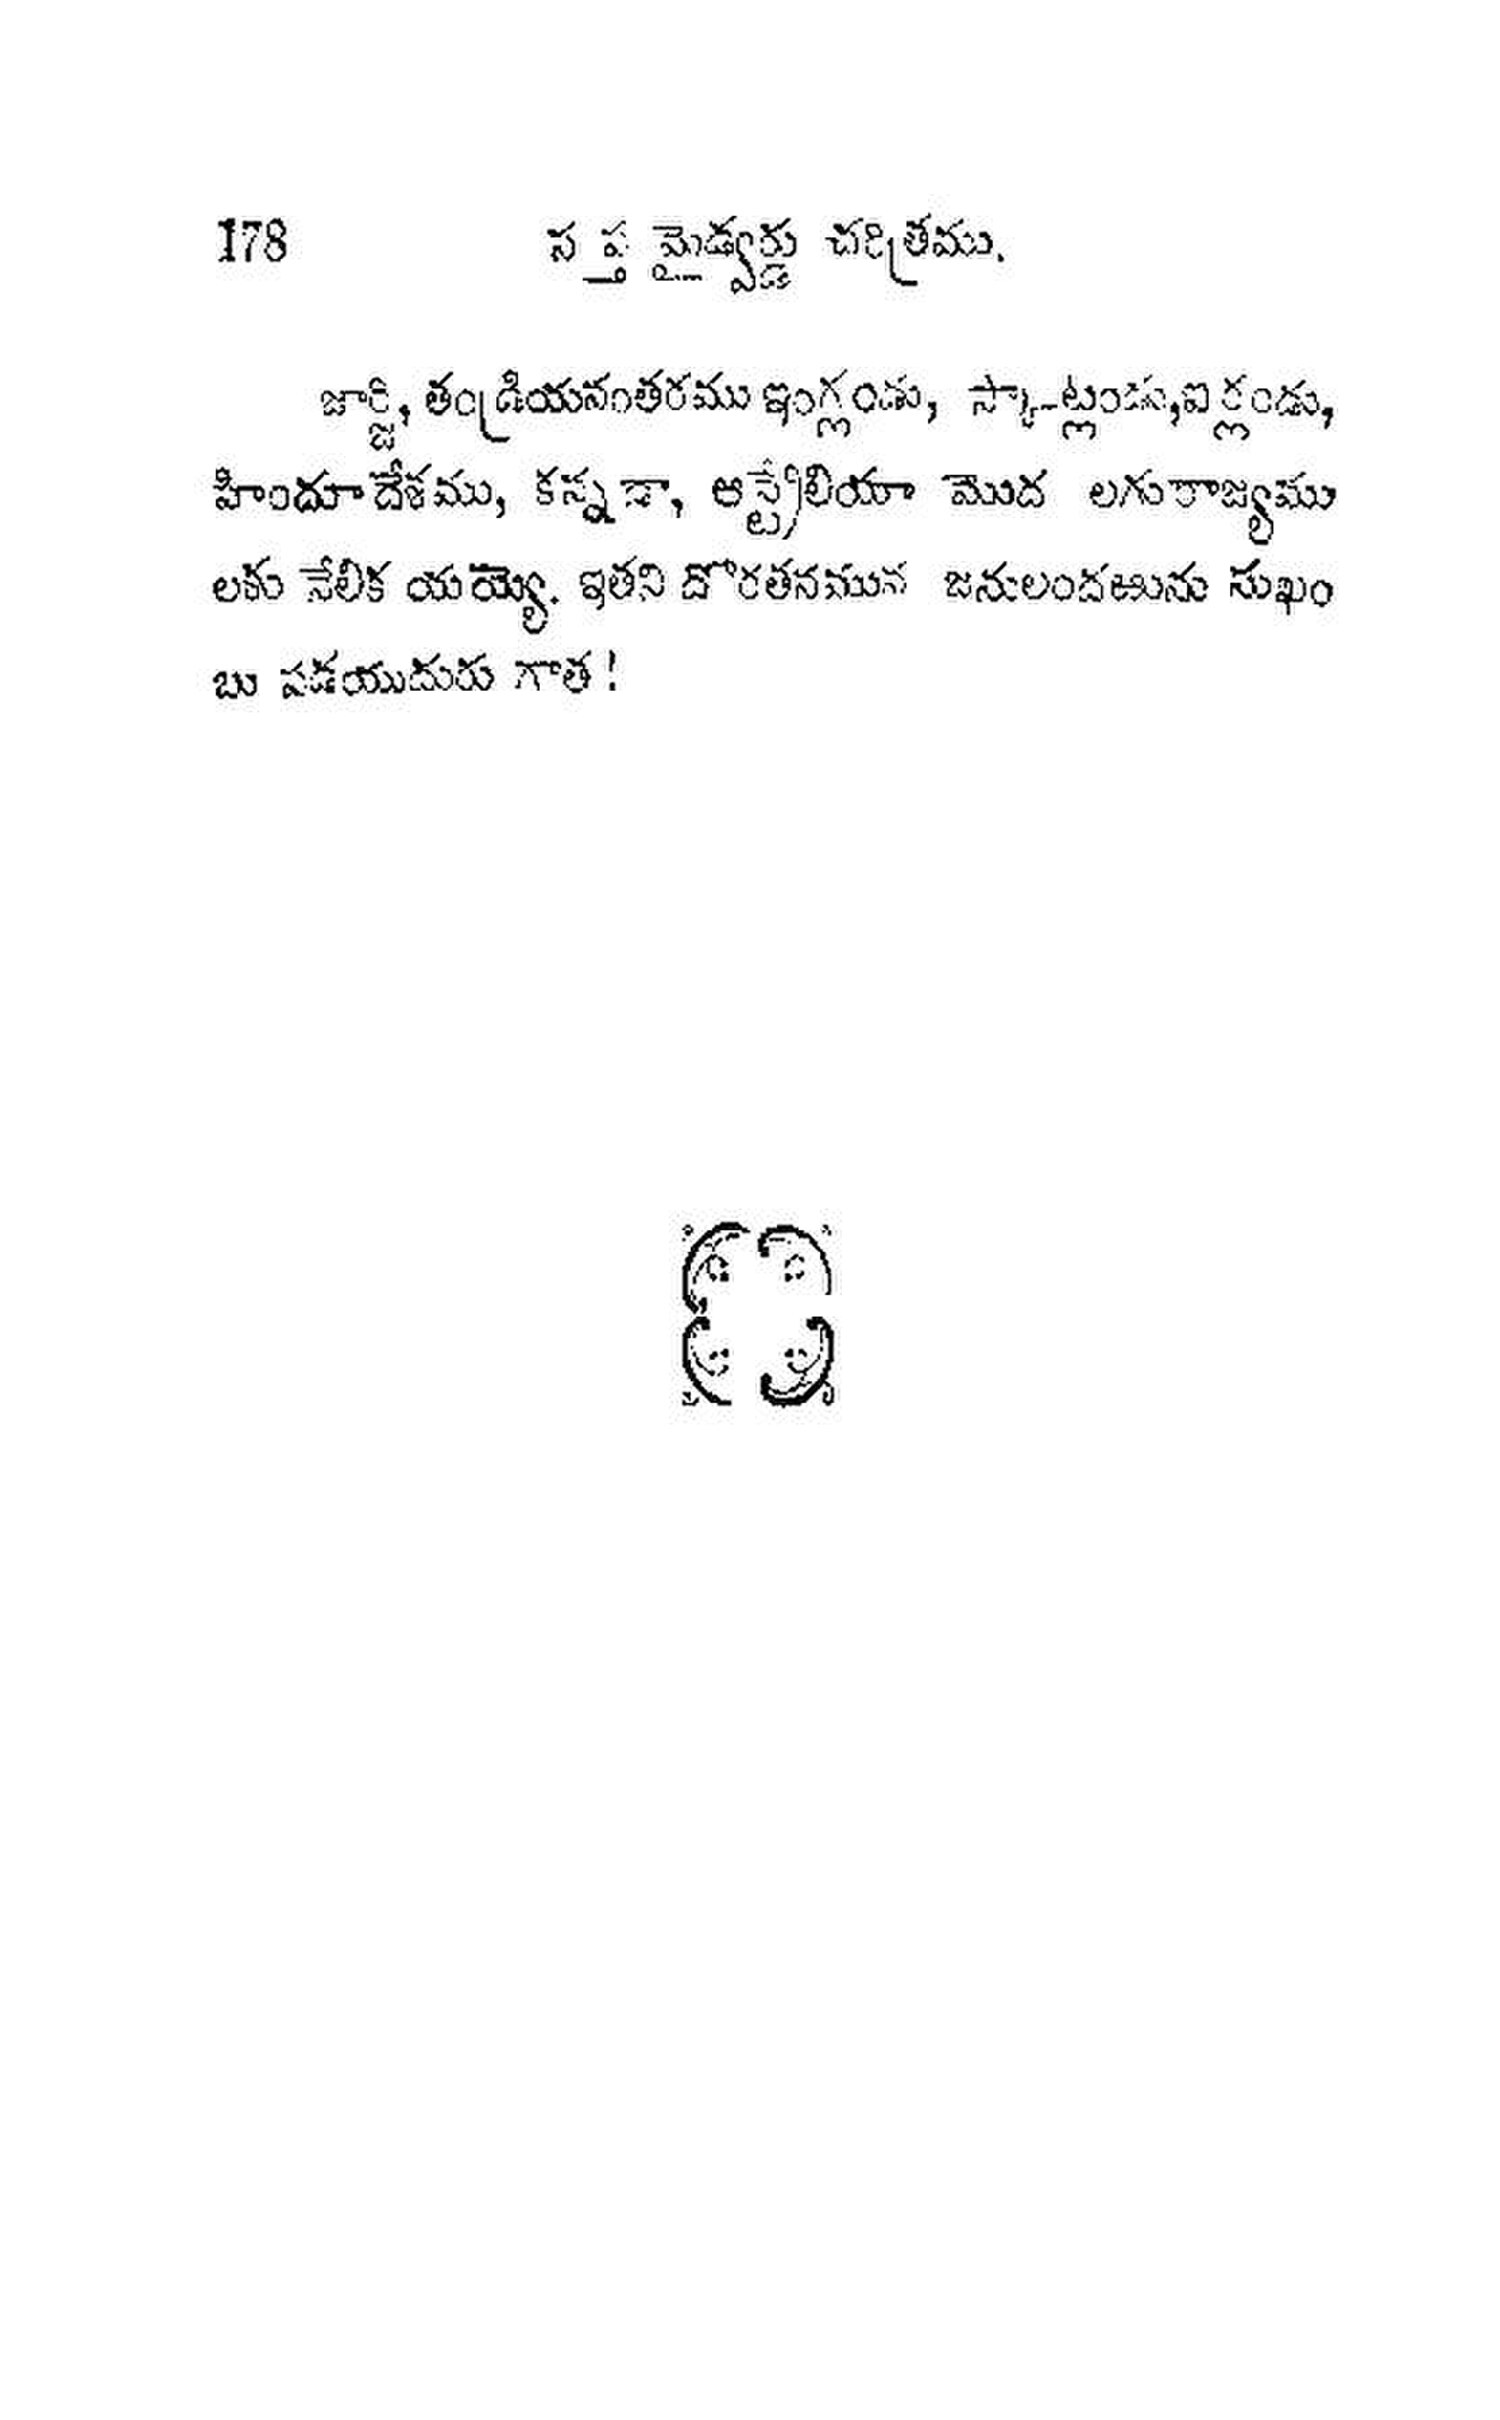}

జార్జి, తండ్రియనంతరము ఇంగ్లండు, స్కాట్లండు, ఐర్లండు, హిందూ దేశము, కన్నడా, ఆస్ట్రేలియా మొద లగు రాజ్యము లకు నేలిక యయ్యె. ఇతని దొరతనమున జనులందఱును సుఖం బు పడయుదురు గాత!